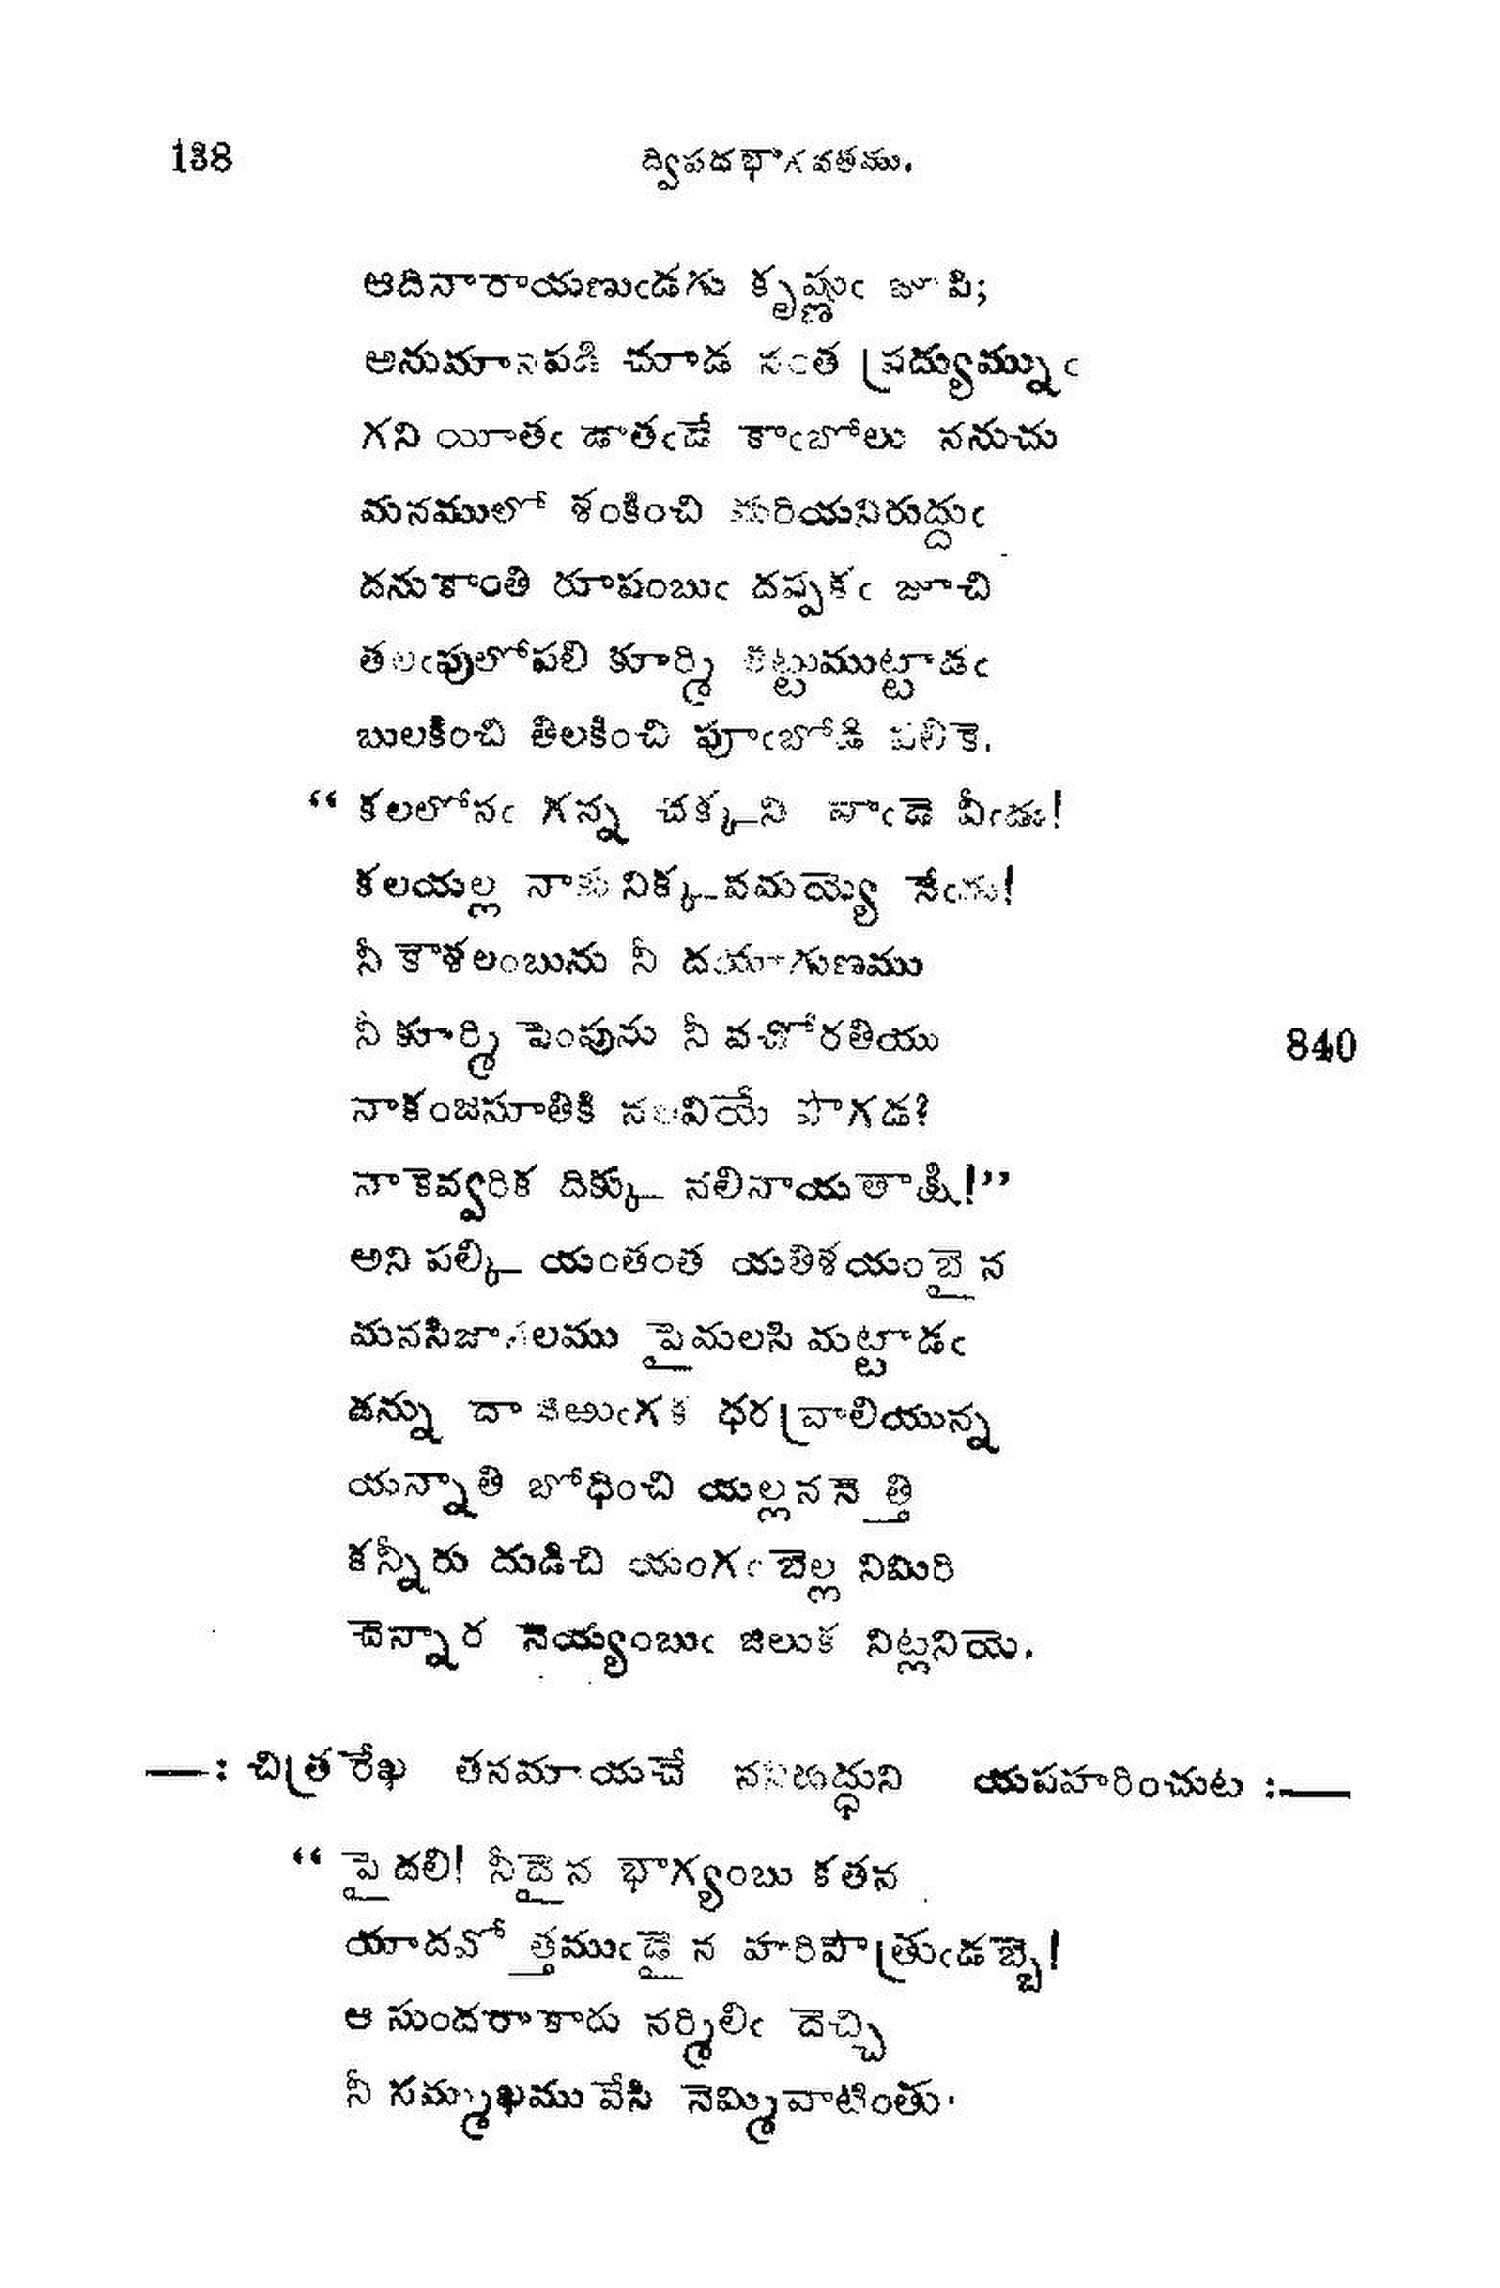ఆదినారాయణుఁడగు కృష్ణుఁ జూపి; 
అనుమానపడి చూడ నంత ప్రద్యుమ్నుఁ
గనియీతఁడాతఁడే కాఁబోలుననుచు
మనములో శంకించి మరియనిరుద్ధుఁ
దనుకాంతి రూపంబుఁ దప్పకఁ జూచి
తలఁపులోపలి కూర్మి కట్టుముట్టాడఁ
బులకించి తిలకించి పూఁబోడి పలికె. 
“కలలోనఁ గన్న చక్కని వాఁడె వీఁడు! 
కలయల్ల నాకు నిక్కవమయ్యె నేఁడు! 
నీ కౌసలంబును నీ దయాగుణము
నీ కూర్మి పెంపును నీవచోరతియు
నాకంజసూతికి నలవియే పొగడ? 
నాకెవ్వరికదిక్కు నలినాయతాక్షి!“
అని పల్కి యంతంత యతిశయంబైన
మనసిజానలము పైమలసి మట్టాడఁ
దన్ను దానెఱుఁగక ధర వ్రాలియున్న
యన్నాతి బోధించి యల్లననెత్తి
కన్నీరు దుడిచి యంగంబెల్ల నిమిరి
చెన్నార నెయ్యంబుఁజిలుక నిట్లనియె.

“పైదలి! నీదైన భాగ్యంబు కతన
యాదవోత్తముఁడైన హరిపౌత్రుడబ్బె! 
ఆ సుందరాకారు నర్మిలిఁ దెచ్చి
నీ సమ్ముఖమువేసి నెమ్మివాటింతు.